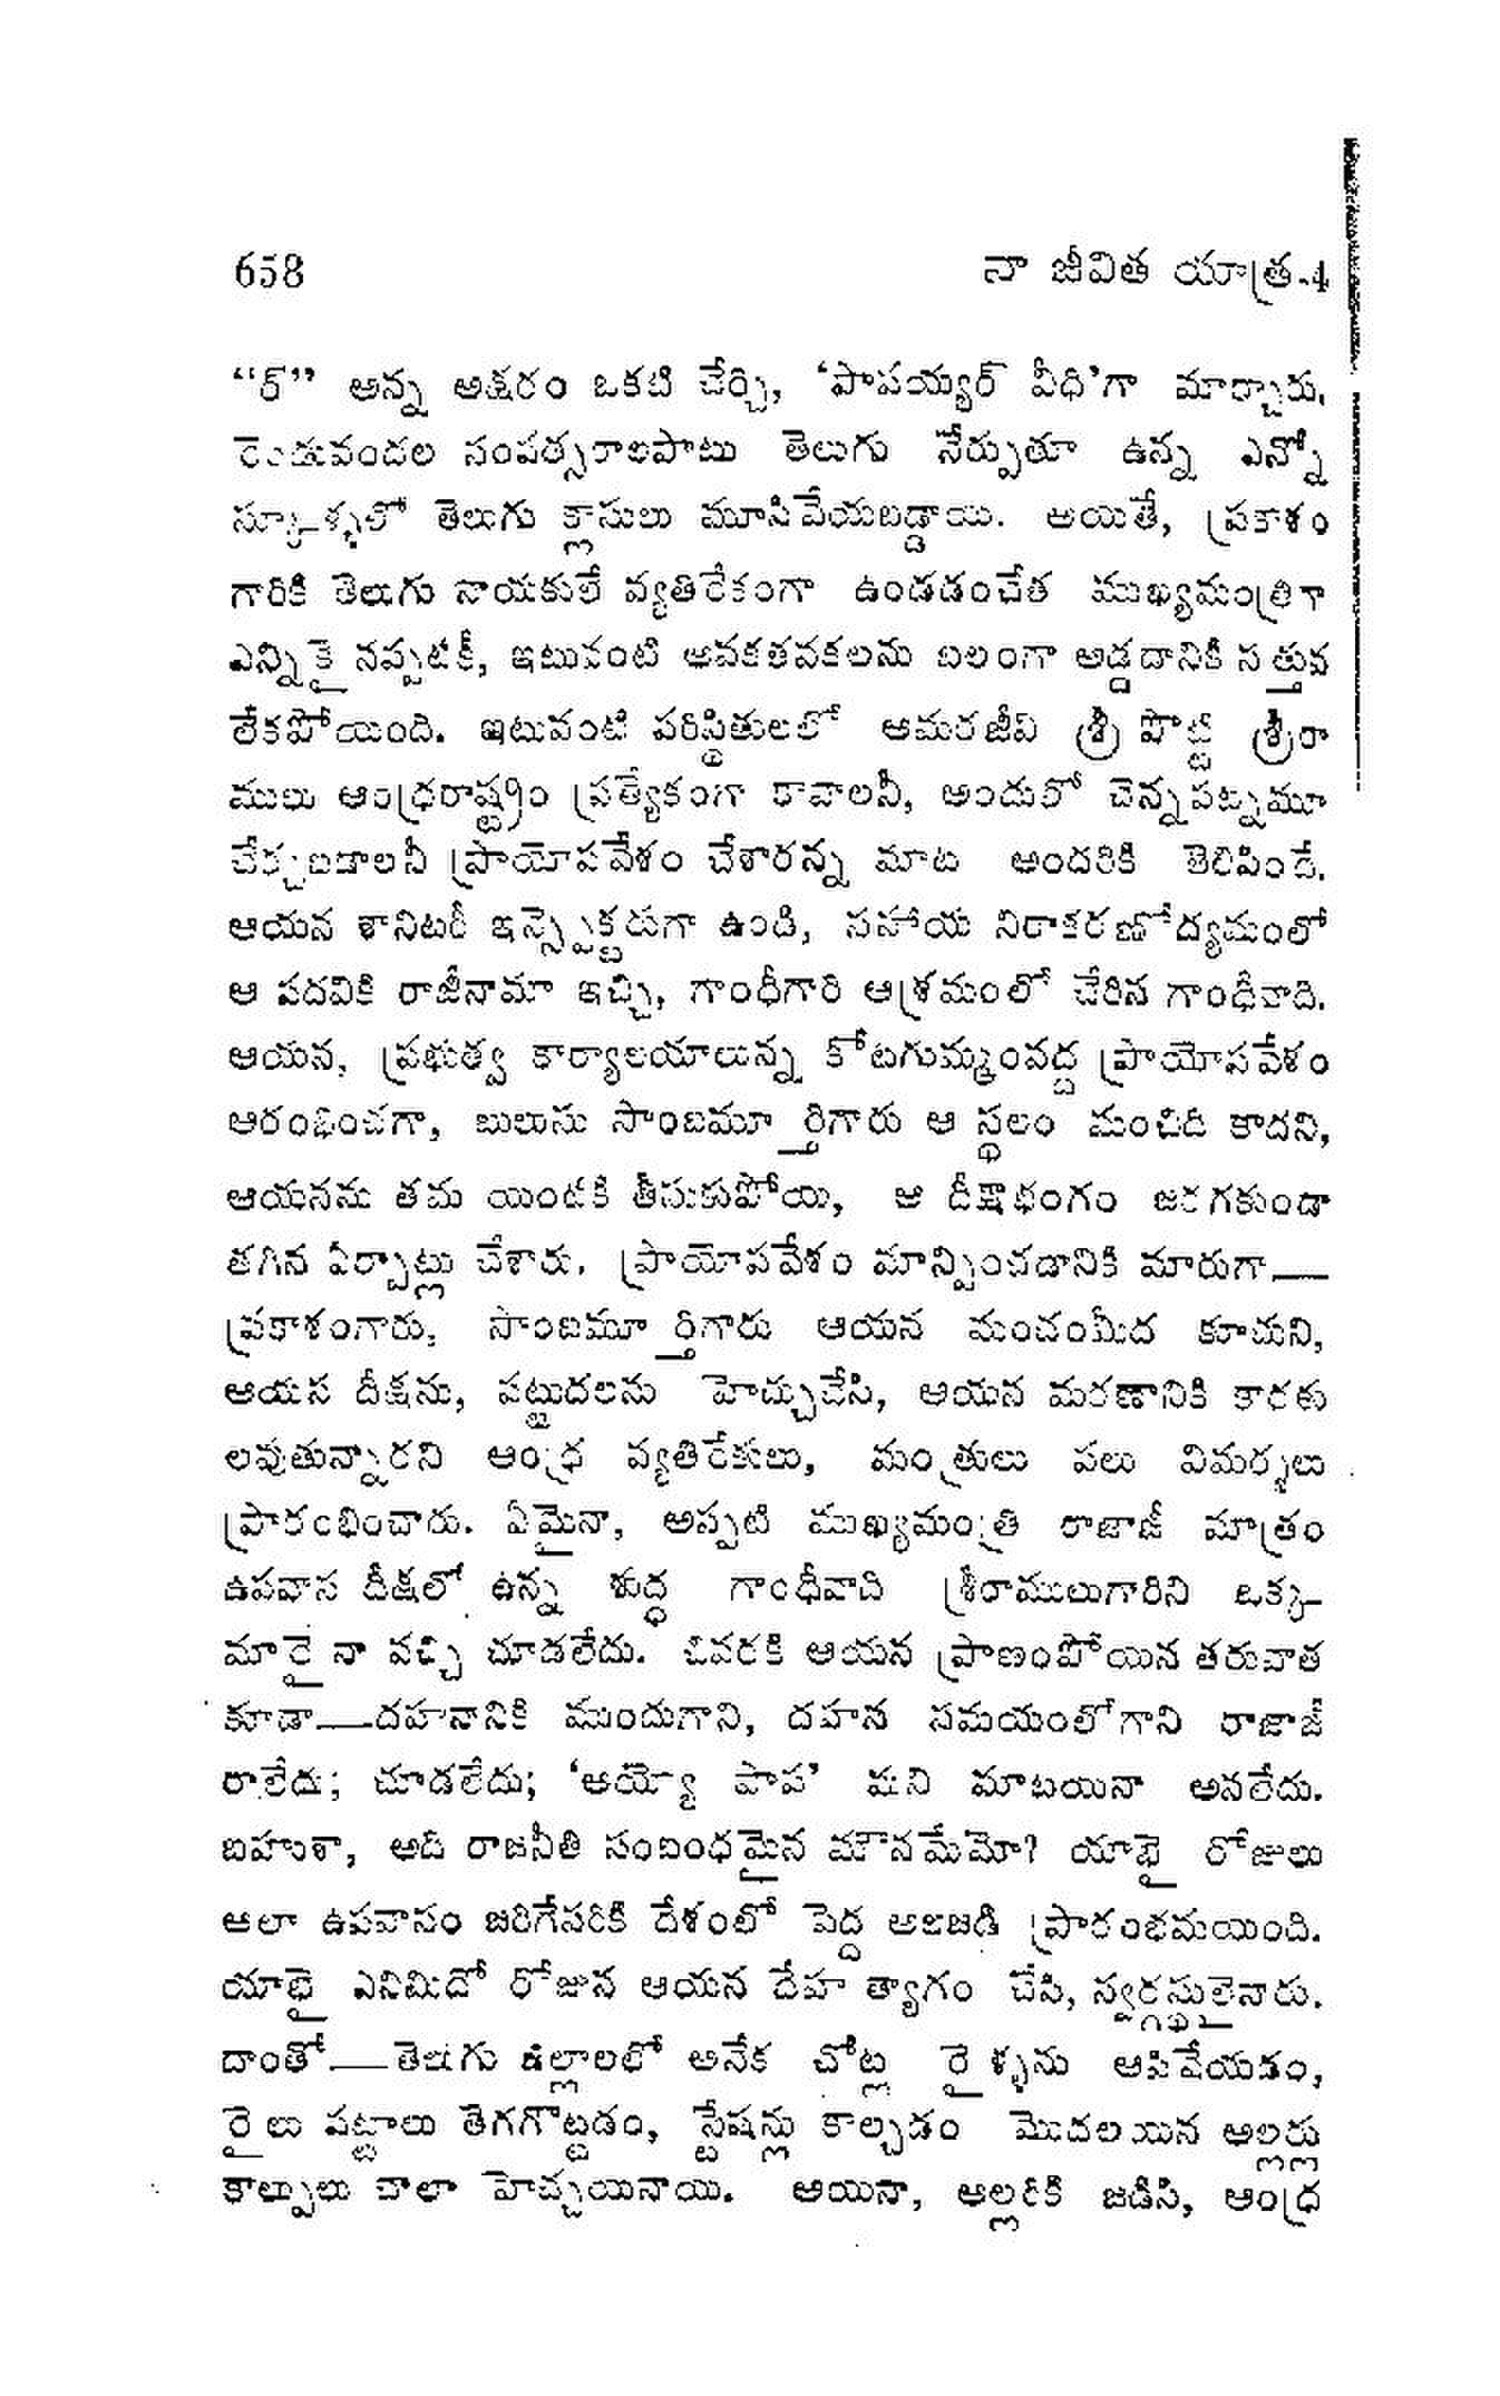"ర్" అన్న అక్షరం ఒకటి చేర్చి, 'పాపయ్యర్ వీధి'గా మార్చారు, రెండువందల సంవత్సరాలపాటు తెలుగు నేర్పూతూ ఉన్న ఎన్నో స్కూళ్ళలో తెలుగు క్లాసులు మూసివేయబడ్డాయి. అయితే, ప్రకాశంగారికి తెలుగు నాయకులే వ్యతిరేకంగా ఉండడంచేత ముఖ్యమంత్రిగా ఎన్నికైనప్పటికీ, ఇటువంటి అవకతవకలను బలంగా అడ్డడానికి సత్తువలేకపోయింది. ఇటువంటి పరిస్థితులలో అమరజీవి శ్రీ పొట్టి శ్రీరాములు, ఆంధ్రరాష్ట్రం ప్రత్యేకంగా కావాలనీ, అందులో చెన్నపట్నమూ చేర్చబడాలనీ ప్రాయోపవేశం చేశారన్న మాట అందరికి తెలిసిందే. ఆయన శానిటరీ ఇన్స్పెక్టరుగా ఉండి, సహాయ నిరాకరణోద్యమంలో ఆ పదవికి రాజీనామా ఇచ్చి, గాంధీగారి ఆశ్రమంలో చేరిన గాంధీవాది. ఆయన, ప్రభుత్వ కార్యాలయాలున్న కోటగుమ్మంవద్ద ప్రాయోపవేశం ఆరంభించగా, బులుసు సాంబమూర్తిగారు ఆ స్థలం మంచిది కాదని, ఆయనను తమ యింటికి తీసుకుపోయి, ఆ దీక్షాభంగం జరగకుండా తగిన ఏర్పాట్లు చేశారు. ప్రాయోపవేశం మాన్పించడానికి మారుగా - ప్రకాశంగారు, సాంబమూర్తిగారు ఆయన మంచంమీద కూచుని, ఆయన దీక్షను, పట్టుదలను హెచ్చుచేసి, ఆయన మరణానికి కారకులవుతున్నారని ఆంధ్ర వ్యతిరేకులు, మంత్రులు పలు విమర్శలు ప్రారంభించారు. ఏమైనా, అప్పటి ముఖ్యమంత్రి రాజాజీ మాత్రం ఉపవాస దీక్షలో ఉన్న శుద్ధ గాంధీవాది శ్రీరాములుగారిని ఒక్క మారైనా వచ్చి చూడలేదు. చివరకి ఆయన ప్రాణంపోయిన తరువాత కూడా - దహనానికి ముందుగాని, దహన సమయంలోగాని రాజాజీ రాలేదు; చూడలేదు; 'అయ్యో పాప' మని మాటయినా అనలేదు. బహుశా, అది రాజనీతి సంబంధమైన మౌనమేమో? యాభై రోజులు అలా ఉపవాసం జరిగేసరికి దేశంలో పెద్ద అలజడి ప్రారంభమయింది. యాభై ఎనిమిదో రోజున ఆయన దేహ త్యాగం చేసి, స్వర్గస్థులైనారు. దాంతో - తెలుగు జిల్లాలలో అనేక చోట్ల రైళ్ళను ఆపివేయడం, రైలు పట్టాలు తెగగొట్టడం, స్టేషన్లు కాల్చడం మొదలయిన అల్లర్లు కాల్పులు చాలా హెచ్చయినాయి. అయినా, అల్లరికి జడిసి, ఆంధ్ర